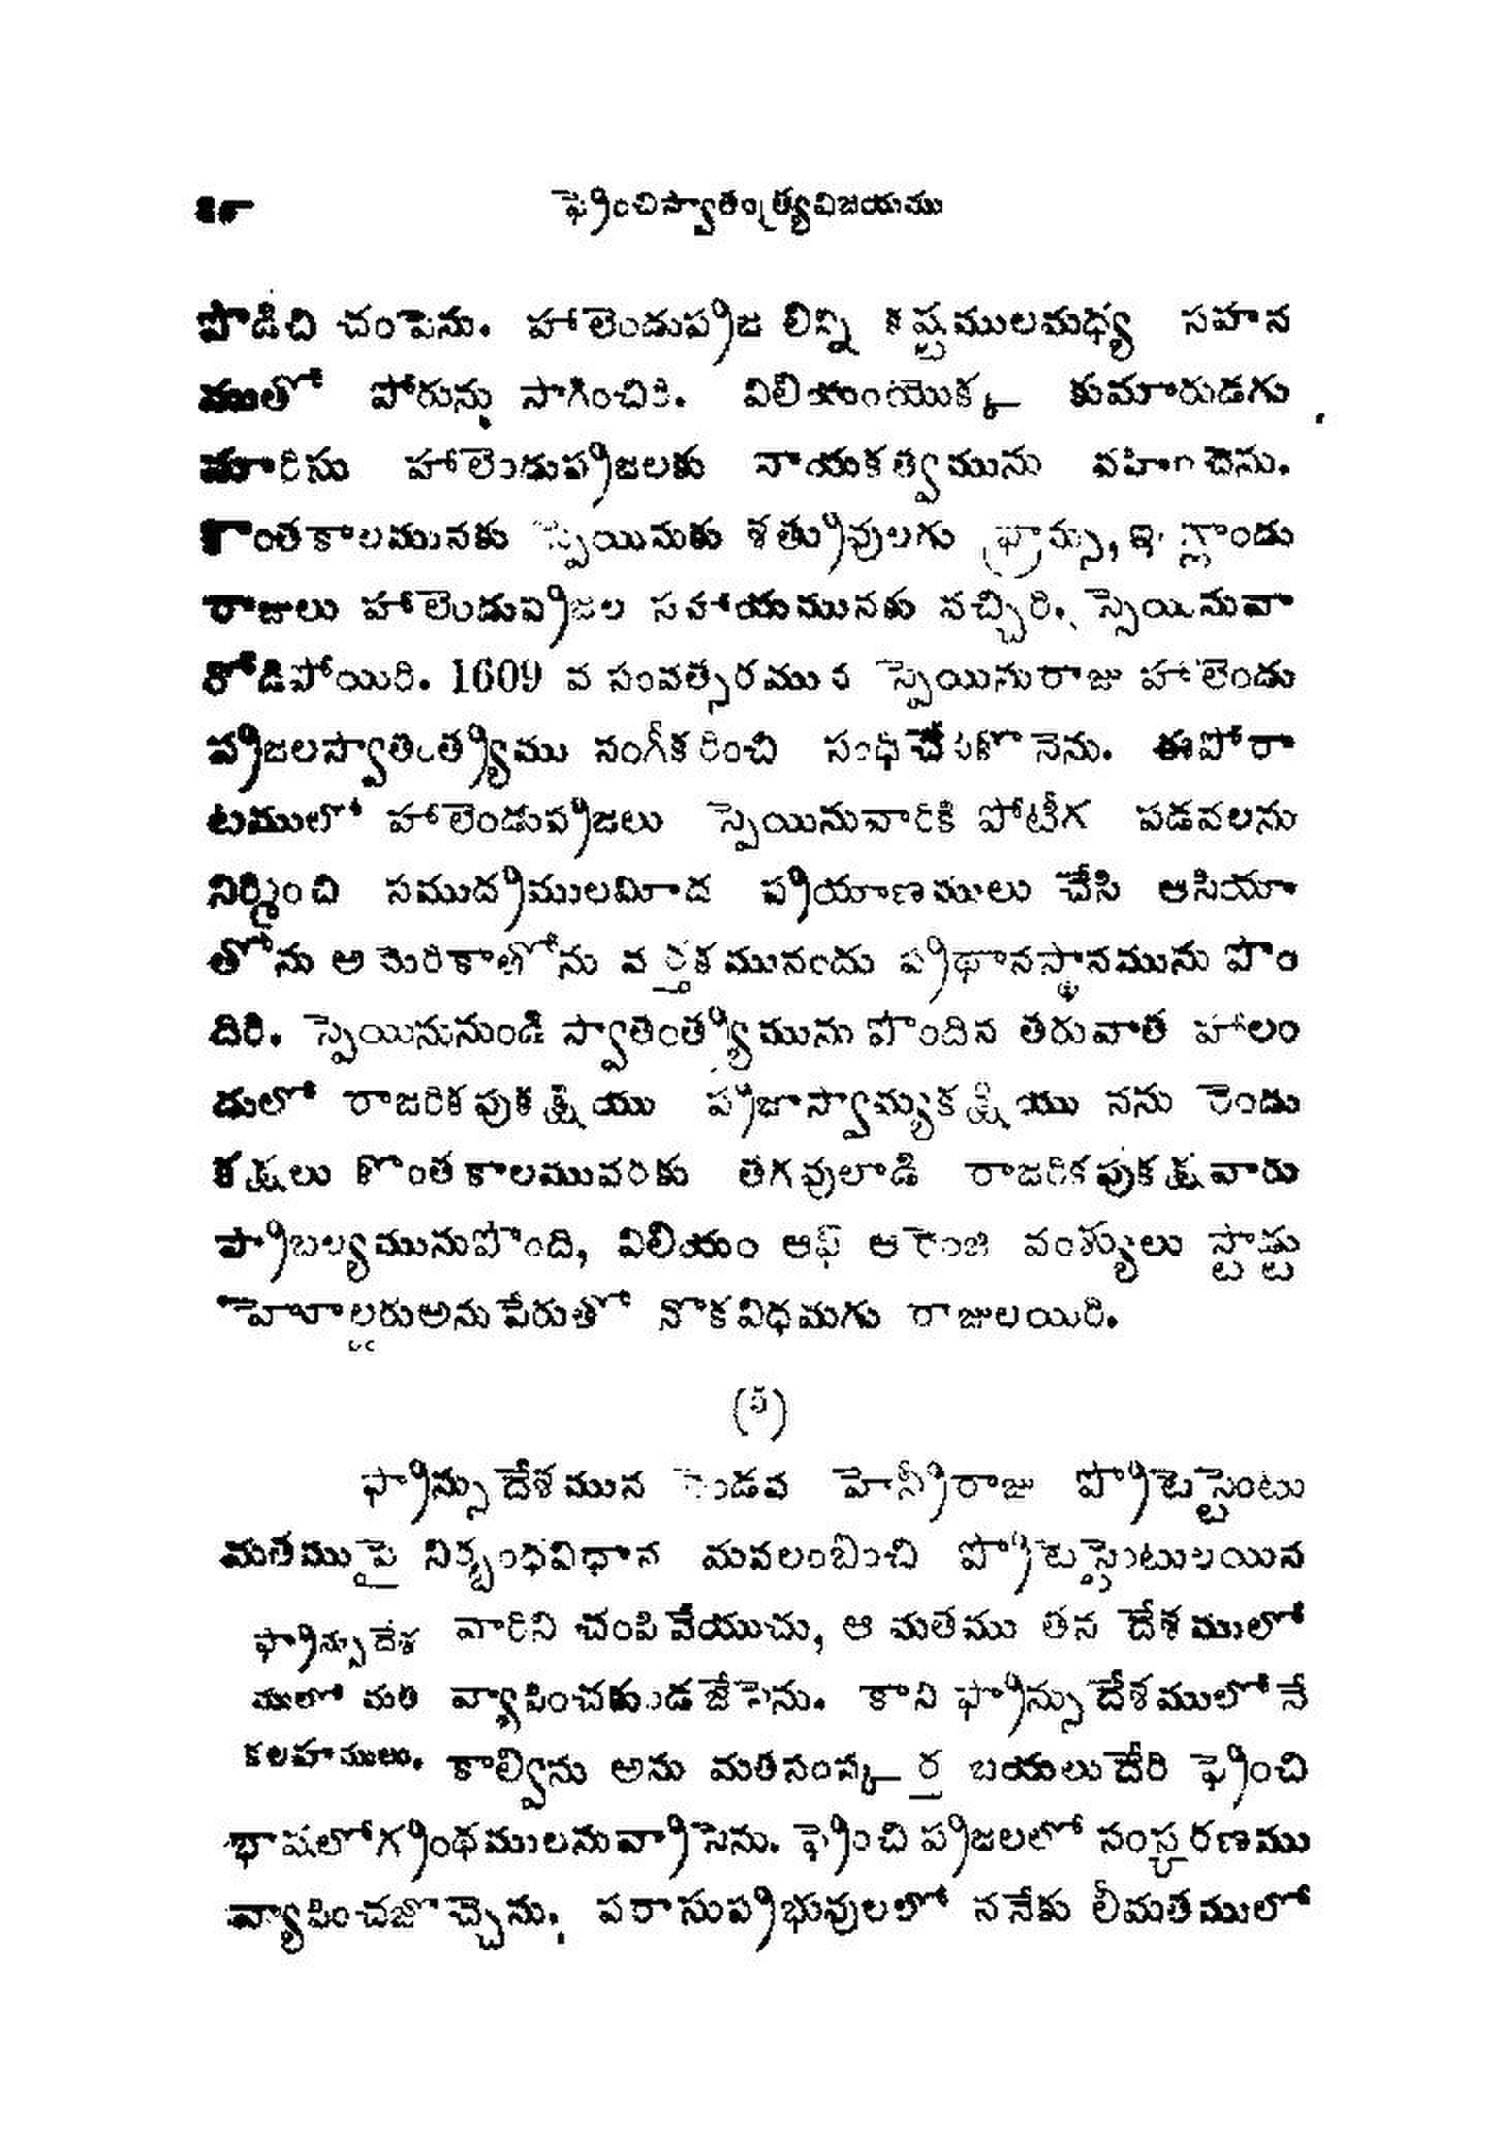పొడిచి చంపెను. హాలెండు ప్రజ లిన్ని కష్టముల మధ్య సహన
ముతో పోరును సాగించిరి. విలియం యొక్క కుమారుడగు
మారిసు హాలెండు ప్రజలకు నాయకత్యమును వహించెను,
కొంతకాలమునకు "స్పయినుకు శత్రువులగు ఫ్రాన్సు ఇంగ్లాండు
రాజులు హాలెండు ప్రజల సహాయమునకు వచ్చిరి, స్పెయినువా
రోడిపోయిరి. 1600 వ సంవత్సరమున 'స్పెయిను రాజు హాలెండు
ప్రజలస్వాతంత్యము సంగీక రించి సంధి చేసుకొనెను. ఈపోరా
టములో హాలెండు ప్రజలు స్పెయినువారికి పోటీగ పడవలను
నిర్మించి సముద్రముల మీద ప్రయాణములు చేసి ఆసియా
తోను అమెరికాలోను వర్తకమునందు ప్రథాన స్థానమును పొం
దిరి. స్పెయిను నుండి స్వాతంత్యమును పొందిన తరువాత హాలం
డులో రాజరికపు కక్షియు ప్రజాస్వామ్య కక్షియు నను రెండు
కక్షలు కొంత కాలమువరకు తగవులాడి రాజరికపుకక్షవారు
ప్రాబల్యమును పొంది, విలియం ఆఫ్ ఆరెంజి వంశ్యులు స్టాడ్టు
"హెూల్డరు అను పేరుతో నొకవిధమగు రాజులయిరి.

ఫ్రాన్సు దేశములో
మత కలహములు

ఫ్రాన్సు దేశమున ఏడవ హేన్రీరాజు ప్రొటెస్టెంటు
మతము పై నిర్భంధ విధాన మవలంబించి ప్రొట సైంటులయిన
వారిని చంపి వేయుచు, ఆమతము తన దేశములో
వ్యాపించకుండ జేసెను. కాని ఫ్రాన్సు దేశములోనే
కాల్విను అను మత సంస్కర్త బయలు దేరి ఫ్రెంచి
భాషలో గ్రంథములసు వాసెను. ఫ్రెంచి ప్రజలలో సంస్కరణము
వ్యాపించ జొచ్చెను, పరాసు ప్రభువులలో ననేకు లీమతములో
,